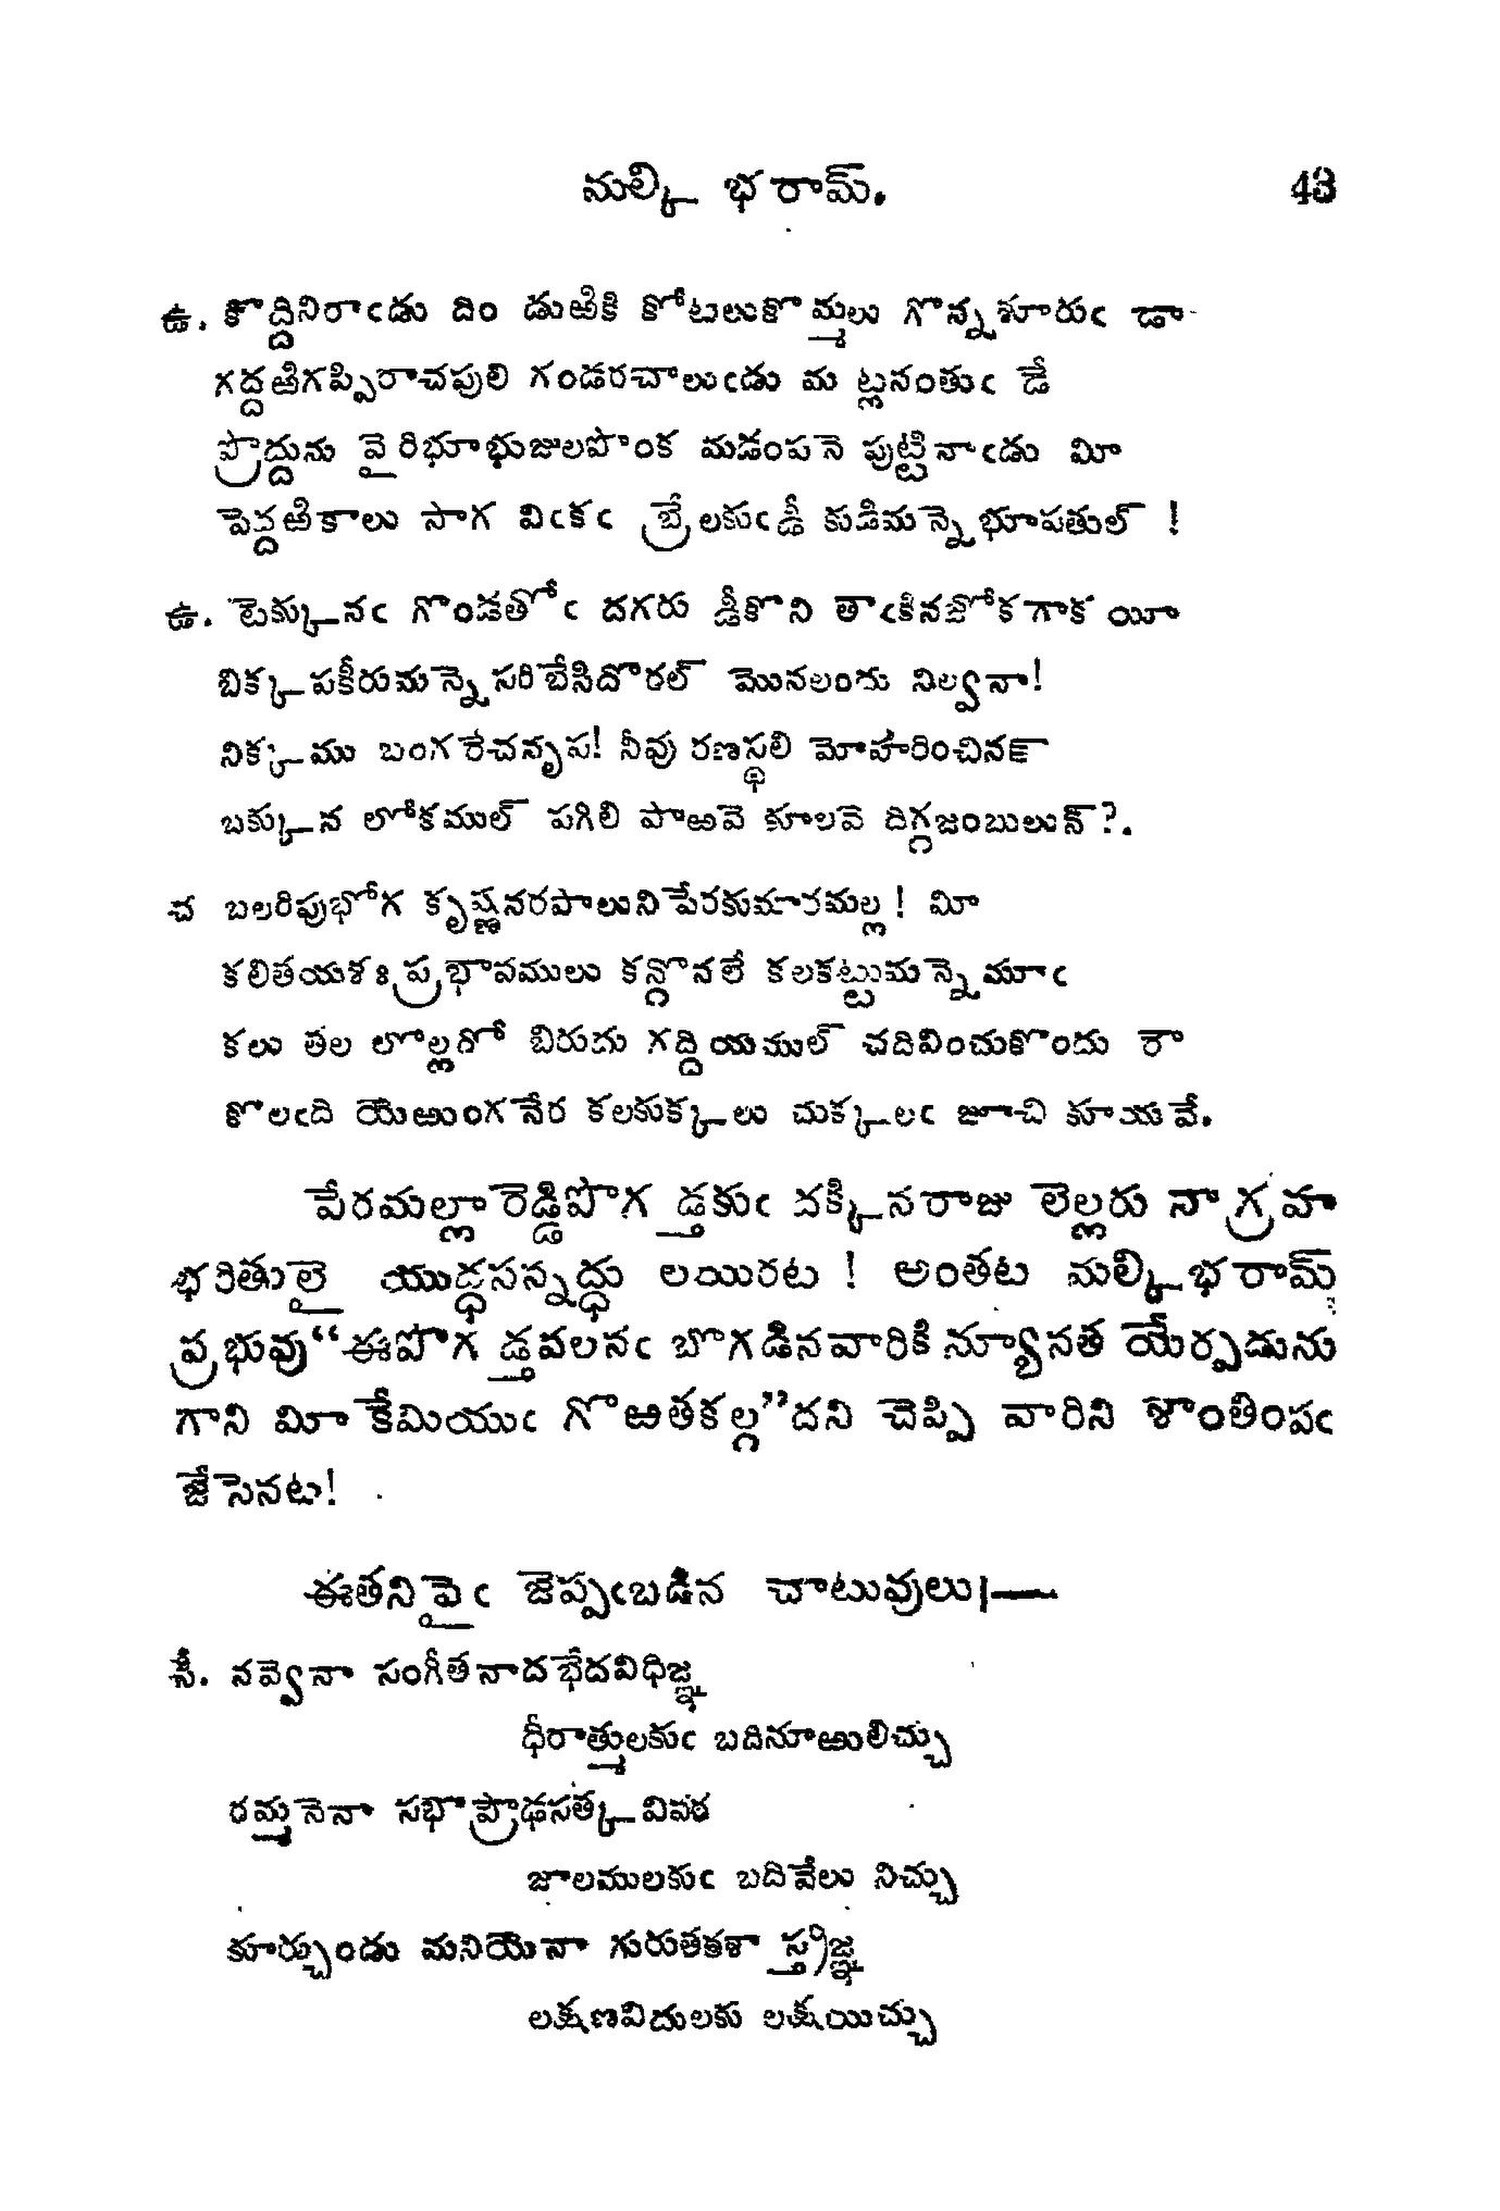ఉ. కొద్దినిరాఁడు దిం డుఱికి కోటలుకొమ్మలు గొన్నశూరుఁ డా
 గద్దరిగప్పి రాచపులి గండరచాలుఁడు మ ట్లనంతుఁ డే
 ప్రొద్దును వైరిభూభుజులపొంక మడంపనె పుట్టినాఁడు మీ
 పెద్దఱికాలు సాగ విఁకఁ బ్రేలకుఁడీ కుడిమన్నెభూపతుల్!
ఉ. టెక్కునఁ గొండతోఁ దగరు డీకొని తాఁకినజోకగాక యీ
 బిక్కపకీరుమన్నెసరిబేసిదొరల్ మొనలందు నిల్వనా!
 నిక్కము బంగరేచనృప నీవు రణస్థలి మోహరించినన్
 బక్కున లోకముల్ పగిలి పాఱవె కూలవె దిగ్గజంబులున్?
చ. బలపురిభోగ! కృష్ణనరపాలునిపేరకుమారమల్ల! మీ
 కలితయశఃప్రభావములు కన్గొనలే కలకట్టుమన్నెమూఁ
 కలు తల లొల్లరో బిరుదుగద్దియముల్ చదివించుకొందు రౌ
 కొలఁది యెఱుంగనేర కలకుక్కలు చుక్కనఁ జూచి కూయవే.
పేరమల్లారెడ్డిపొగడ్తకుఁ దక్కినరాజు లెల్లరు నాగ్రహభరితులై యుద్ధసన్నద్ధు లయిరట! అంతట మల్కిభరామ్ ప్రభువు “ఈపొగడ్తవలనఁ బొగడినవారికి న్యూనత యేర్పడును గాని మీ కేమియుఁ గొఱఁతకల్గ”దని చెప్పి వారిని శాంతింపఁజేసెనఁట!

ఈతనిపైఁ జెప్పఁబడిన చాటువులు—

సీ. నవ్వెనా సంగీతనాదభేదవిధిజ్ఞ
 ధీరాత్ములకుఁ బదినూఱు లిచ్చి
 రమ్మనెనా సభాప్రౌఢసత్కవివర
 జాలములకుఁ బదివేలు నిచ్చు
 కూర్చుండు మనియెనా గురుతరశాస్త్రజ్ఞ
 లక్షణవిదులకు లక్ష యిచ్చు